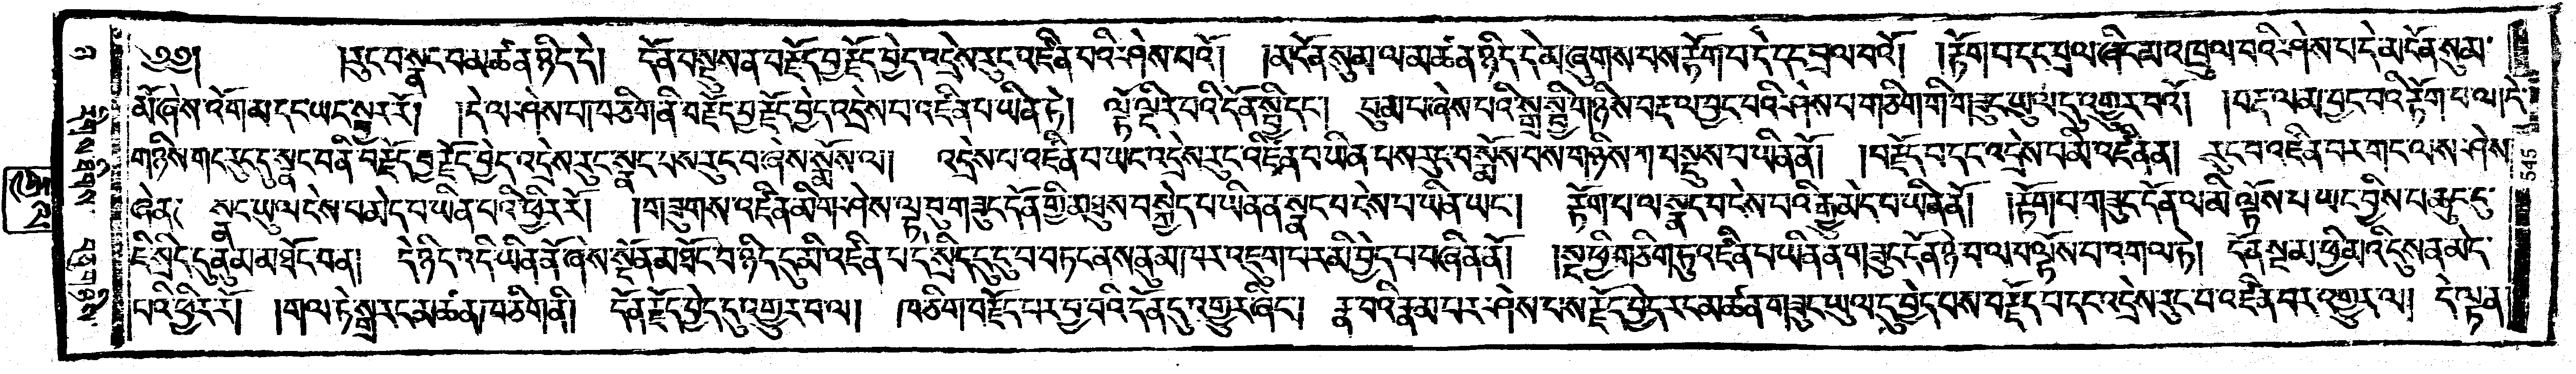༄༅། །རུང་བ་སྣང་བ་མཚན་ཉིད་དེ། དོན་བསྡུས་ན་བརྗོད་བྱ་རྗོད་བྱེད་འདྲེས་རུང་འཛིན་པའི་ཤེས་པའོ། །མངོན་སུམ་ལ་མཚན་ཉིད་དེ་མ་ཞུགས་པས་རྟོག་པ་དེ་དང་བྲལ་བའོ། །རྟོག་བ་དང་བྲལ་ཞིང་མ་འཁྲུལ་བའི་ཤེས་པ་དེ་མངོན་སུམ་
མོ་ཞེས་འོག་མ་དང་ཡང་སྦྱར་རོ། །དེ་ལ་ཤེས་པ་ཁ་ཅིག་ནི་བརྗོད་བྱ་རྗོད་བྱེད་འདྲེས་པ་འཛིན་པ་ཡིན་ཏེ། ལྟོ་ལྡིར་བའི་དོན་སྤྱི་དང་། བུམ་པ་ཞེས་པའི་སྒྲ་སྦྱི་གཉིས་བརྡ་ལ་བྱང་པའི་ཤེས་པ་གཅིག་གི་གཟུང་ཡུལ་དུ་འགྱུར་བའོ། །བརྡ་ལ་མ་བྱང་བའི་རྟོག་པ་ལ། དེ་
གཉིས་གང་རུང་དུ་སྣང་བ་ནི་བརྗོད་བྱ་རྗོད་བྱེད་འདྲེས་རུང་སྣང་པས་རུང་བ་ཞེས་སྨོས་ལ། འདྲེས་པ་འཛིན་པ་ཡང་འདྲེས་རུང་འཛིན་བ་ཡིན་པས་རུང་བ་སྨོས་པས་གཉིས་ཀ་བསྡུས་བ་ཡིན་ནོ། །བརྗོད་བ་དང་འདྲེས་བ་མི་འཛིན་ན། རུང་བ་འཛིན་བར་གང་ལས་ཤེས་
ཞེན༑ སྣང་ཡུལ་ངེས་པ་མེད་བ་ཡིན་པའི་ཕྱིར་རོ། །གཟུགས་འཛིན་མིག་ཤེས་ལྟ་བུ་གཟུང་དོན་གྱི་མཐུས་བསྐྱེད་པ་ཡིན་ན་སྣང་བ་ངེས་པ་ཡིན་ཡང་། རྟོག་པ་ལ་སྣང་བ་ངེས་བའི་རྒྱུ་མེད་པ་ཡིན་ནོ། །རྟོག་པ་གཟུང་དོན་ལ་མི་ལྟོས་པ་ཡང་བྱིས་པ་ཆུང་དུ་
ཇི་སྲིད་དུ་ནུ་མ་མཐོང་བ་ན། དེ་ཉིད་འདི་ཡིན་ནོ་ཞེས་སྔོན་མཐོང་བ་ཉིད་དུ་མི་འཛིན་པ་དེ་སྲིད་དུ་དུ་བ་བཏང་ནས་ནུ་མཁར་འཇུག་པར་མི་བྱེད་པ་བཞིན་ནོ། །སྔ་ཕྱི་གཅིག་ཏུ་འཛིན་པ་ཡིན་ན་གཟུང་དོན་ཉེ་བ་ལ་བལྟོས་པ་འགལ་ཏེ། དོན་སྔ་མ་ཕྱི་མའི་དུས་ན་མེད་
པའི་ཕྱིར་རོ། །གལ་ཏེ་སྒྲ་རང་མཚན་ཁ་ཅིག་ནི། དོན་རྗོད་བྱེད་དུ་འགྱུར་བ་ལ། ཁ་ཅིག་བརྗོད་པར་བྱ་བའི་དོན་དུ་འགྱུར་ཞིང་། རྣ་བའི་རྣམ་པར་ཤེས་པས་རྗོད་བྱེད་རང་མཚན་གཟུང་ཡུལ་དུ་བྱེད་པས་བརྗོད་པ་དང་འདྲེས་རུང་བ་འཛིན་པར་འགྱུར་ལ། དེ་ལྟ་ན་